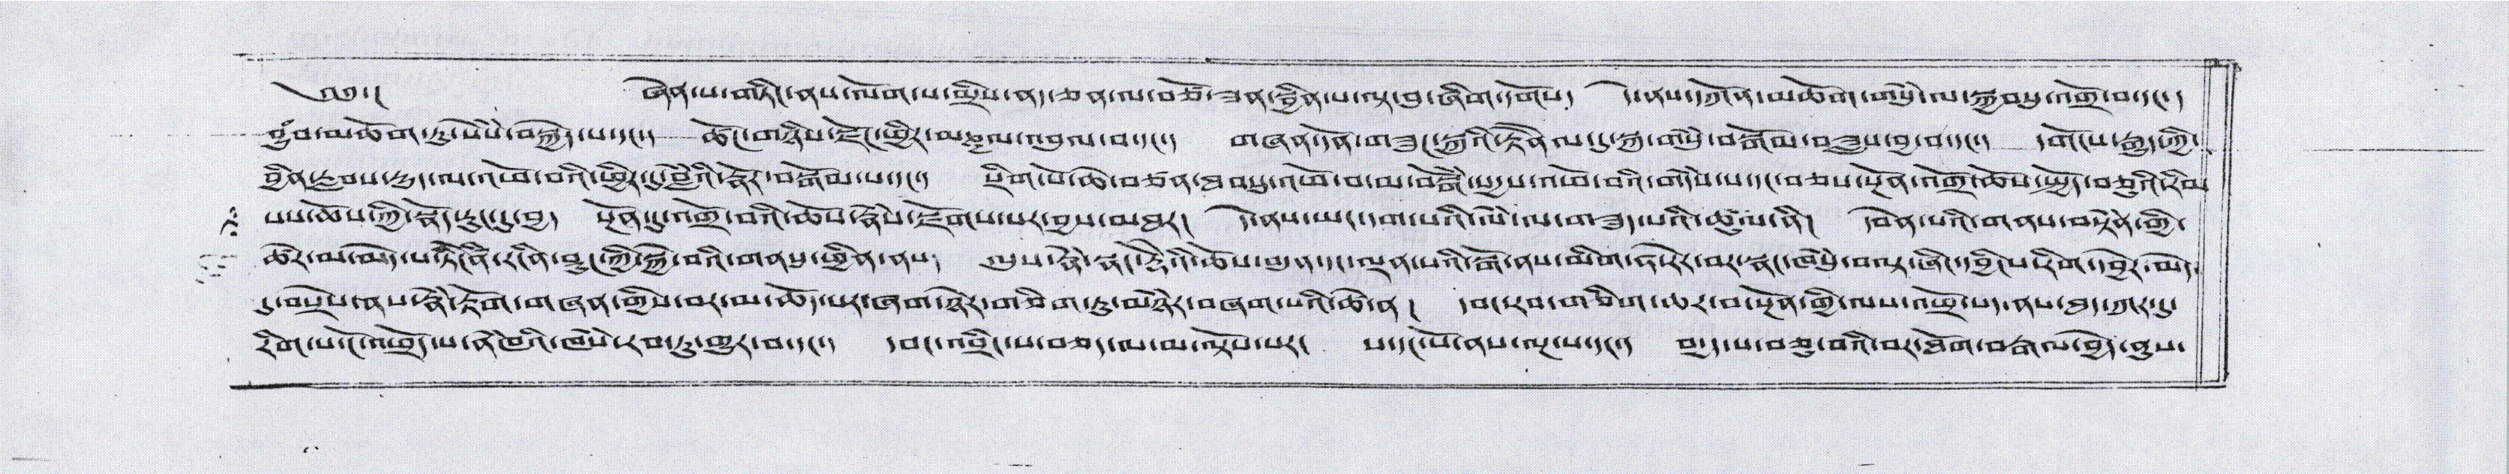ཞེན་པ་གཏིང་ནས་ལོག་པ་འཁྲིས་ནད་ཅན་ལ་བཙོ་ཟན་སྦྱིན་པ་ལྟ་བུ་ཞིག་དགོས། དེ་ནས་དཀོན་མཆོག་གསུམ་ལ་སྐྱབས་སུ་འགྲོ་བ་དང་། 
བྱང་ཆུབ་མཆོག་ཏུ་སེམས་བསྐྱེད་པ་དང་། ཚོགས་གཉིས་རྫོགས་ཕྱིར་མཎྚལ་འབུལ་བ་དང་། གཞན་དོན་གཟུགས་སྐུའི་རྟེན་འབྲེལ་དུ་སྐུ་གསུམ་བསྒོམ་བཟླས་བྱ་བ་དང་། དགོངས་རྒྱུད་ཀྱི་
བྱིན་རླབས་རྒྱུད་ལ་འཕོ་བའི་ཕྱིར་དུ་བླ་མའི་རྣལ་འབྱོར་བསྒོམ་པ་དང་། སྡིག་པོ་ཆེ་བཙན་ཐབས་སུ་འཕོ་བ་མ་བསྒོམས་སངས་རྒྱས་འཕོ་བའི་གདམས་པ་དང་བཅས་སྔོན་འགྲོ་ཆོས་སྤྱོད་བཅུའི་རིམ་
པས་ཆོས་ཀྱི་སྣོད་རུང་དུ་བྱ། སྔོན་དུ་འགྲོ་བའི་ཆོས་རྣམས་རྫོགས་པར་བྱས་མཐར། དེ་ནས་ཡང་དག་པའི་ལམ་ལ་གཟུད་པའི་ཚུལ་ནི། དབེན་པའི་གནས་བསམ་གཏན་གྱི་
ཚེར་མ་མེད་པའི་ཏིང་འཛིན་རང་བཞིན་ཤུགས་ཀྱིས་བསྐྱེད་པའི་གནས་སུ་ཕྱིན་ནས། ལུས་རྣམ་སྣང་རྡོ་རྗེའི་ཆོས་བདུན་དང་ལྡན་པའི་སྒོ་ནས་མིག་ཧ་རེར་བར་སྣང་ཁམས་སུ་བལྟ་ཞིང་དབྱིངས་རིག་དབྱེར་མེད་
དུ་བསྲེས་ནས་རྣམ་རྟོག་གཞན་གྱིས་བར་དུ་མ་ཆོད་པར་ཞག་ཉེར་གཅིག་ཏུ་མཉམ་པར་བཞག་པའི་ཚེ་ན། དབང་རབ་ཅིག་ཆར་བ་སྔོན་གྱི་ལས་འཕྲོ་སད་ནས་ཐད་ཀར་དུ་
རིག་པ་ངོ་འཕྲོད་པ་ནམ་མཁའི་ཁམས་རབ་ཏུ་གྱུར་པ་དང་། དབང་འབྲིང་ས་བཅད་ལ་མ་ལྟོས་པར་ས་དང་པོ་ནས་ལྔ་པ་དང་། བརྒྱད་པ་བཅུ་པའི་བར་ཐོད་རྒལ་བྱེད་ནུས་